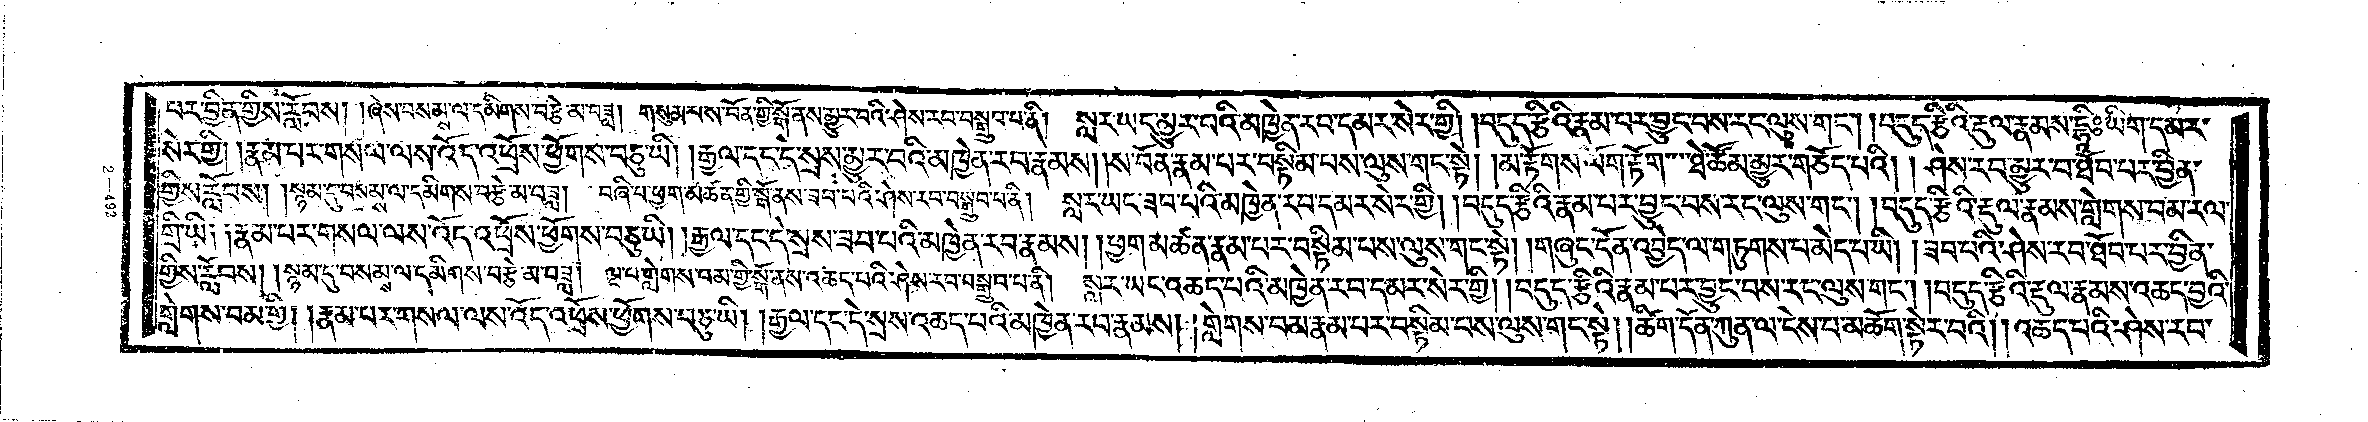བར་བྱིན་གྱིས་རློབས། །ཞེས་བསམས་ལ་དམིགས་བརྩེ་མ་བཟླ། གསུམ་པས་བོན་གྱི་སྒོ་ནས་མྱུར་བའི་ཤེས་རབ་བསྒྲུབ་པ་ནི།  སླར་ཡང་མྱུར་བའི་མཁྱེན་རབ་དམར་སེར་གྱི། །བདུད་རྩིའི་རྣམ་བར་བྱུང་བས་རང་ལུས་གང་། །བདུད་རྩིའི་རྡུལ་རྣམས་དྷཱུཨིཿ ཡིག་དམར་
སེར་གྱི། །རྣམ་པར་གསལ་ལས་འོད་འཕྲོས་ཕྱོགས་བཅུ་ཡི། །རྒྱལ་དང་དེ་སྲས་མྱུར་བའི་མཁྱེན་རབ་རྣམས། །ས་བོན་རྣམ་པར་བསྟིམ་པས་ལུས་གང་སྟེ། །མ་རྟོགས་ལོག་རྟོག་ཐེ་ཚོམ་མྱུར་གཅོད་པའི། །ཤེས་རབ་མྱུར་བ་ཐོབ་པར་བྱིན་
གྱིས་རློབས། །སྙམ་དུ་བསམས་ལ་དམིགས་བརྩེ་མ་བཟླ། བཞི་པ་ཕྱག་མཚན་གྱི་སྒོ་ནས་ཟབ་པའི་ཤེས་རབ་བསྒྲུབ་པ་ནི།  སླར་ཡང་ཟབ་པའི་མཁྱེན་རབ་དམར་སེར་གྱི། །བདུད་རྩིའི་རྣམ་པར་བྱུང་བས་རང་ལུས་གང་། །བདུད་རྩིའི་རྡུལ་རྣམས་གླེགས་བམ་རལ་
གྲི་ཡི༑ ༑རྣམ་པར་གསལ་ལས་འོད་འཕྲོས་ཕྱོགས་བཅུ་ཡི། །རྒྱལ་དང་དེ་སྲས་ཟབ་པའི་མཁྱེན་རབ་རྣམས། །ཕྱག་མཚན་རྣམ་པར་བསྟིམ་པས་ལུས་གང་སྟེ། །གཞུང་དོན་འབྱེད་ལ་གཏུགས་པ་མེད་པ་ཡི། །ཟབ་པའི་ཤེས་རབ་ཐོབ་པར་བྱིན་
གྱིས་རློབས། །སྙམ་དུ་བསམས་ལ་དམིགས་བརྩེ་མ་བཟླ། ལྔ་པ་གླེགས་བམ་གྱི་སྒོ་ནས་འཆད་པའི་ཤེས་རབ་བསྒྲུབ་པ་ནི།  སླར་ཡང་འཆད་པའི་མཁྱེན་རབ་དམར་སེར་གྱི། །བདུད་རྩིའི་རྣམ་པར་བྱུང་བས་རང་ལུས་གང་། །བདུད་རྩིའི་རྡུལ་རྣམས་འཆད་བྱའི་
གླེགས་བམ་གྱི། །རྣམ་པར་གསལ་ལས་འོད་འཕྲོས་ཕྱོགས་བཅུ་ཡི། །རྒྱལ་དང་དེ་སྲས་འཆད་པའི་མཁྱེན་རབ་རྣམས། །གླེགས་བམ་རྣམ་པར་བསྟིམ་པས་ལུས་གང་སྟེ། །ཚིག་དོན་ཀུན་ལ་ངེས་པ་མཆོག་སྟེར་བའི། །འཆད་པའི་ཤེས་རབ་